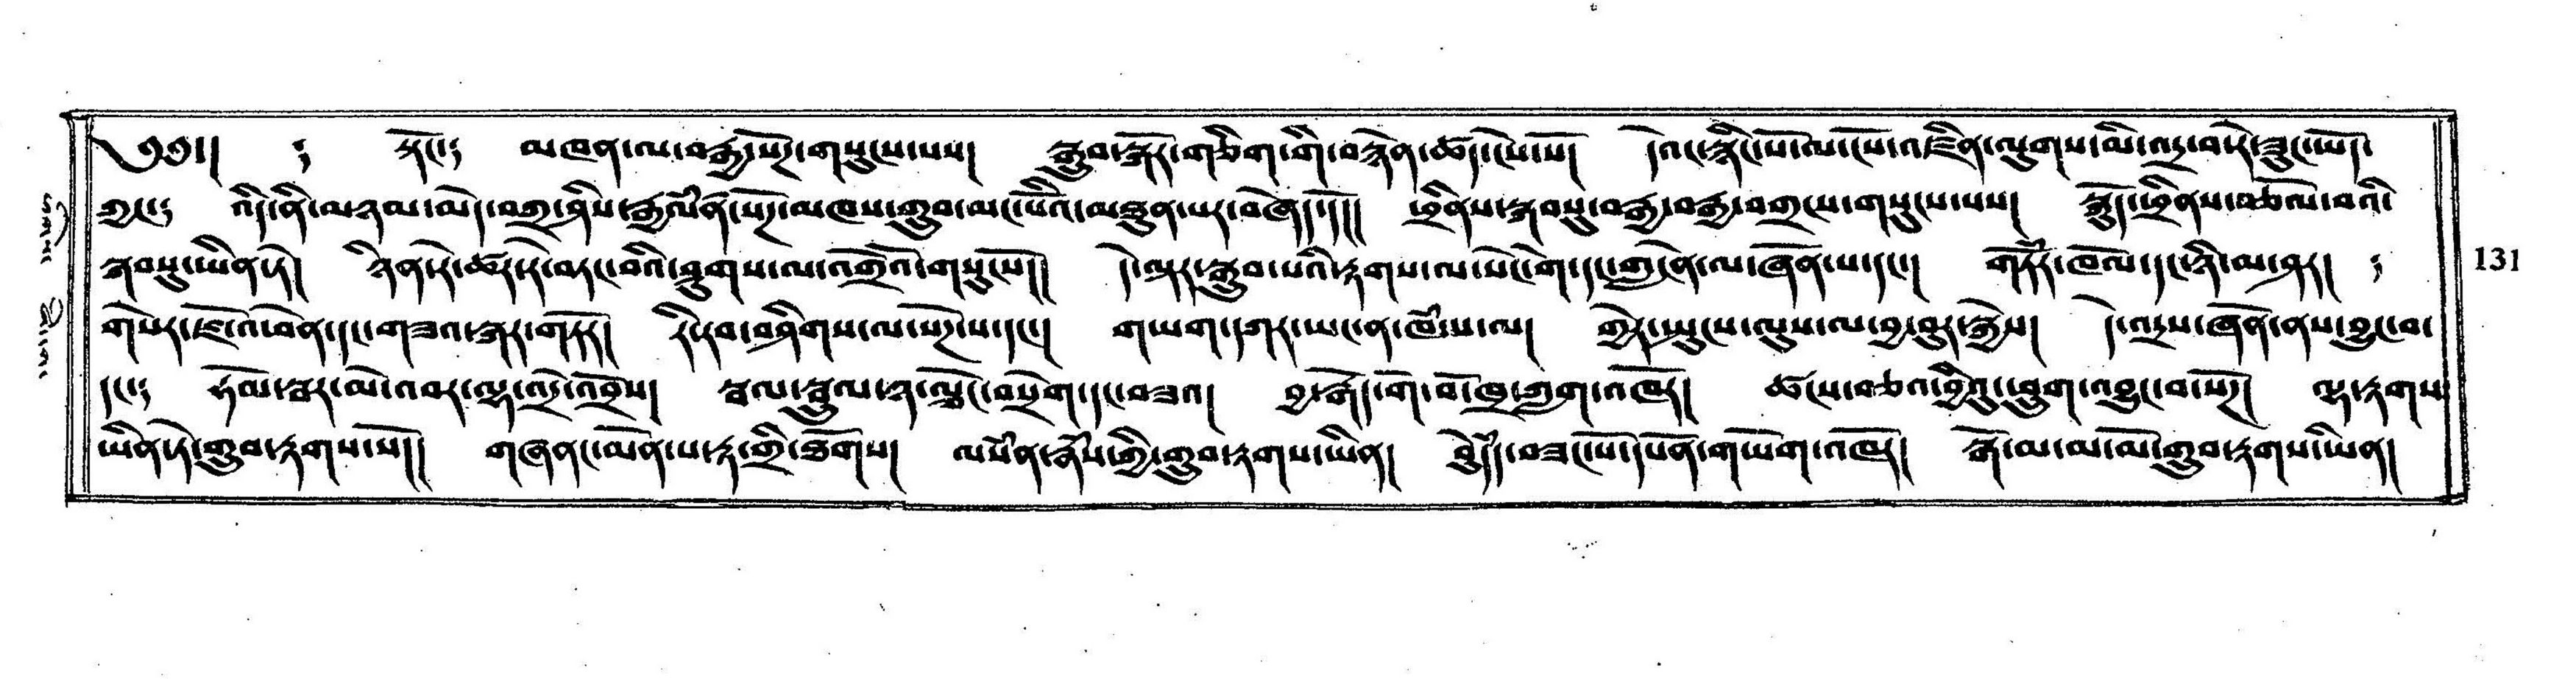སྟོང་། མཁན་ལ་བརྒྱ་སོགས་གསུངས་པས། སྒྲུབ་སྐོར་གཅིག་གི་བསྙེན་ཚད་ངེས་སོ། དེའང་སྙིང་པོ་ལ་ངོས་འཛིན་ལུགས་མི་འདྲ་བ་རེ་ཟུང་ཡོད་
ཀྱང་། འདི་ནི་མཉམ་མེད་བཀྲ་ཤིས་རྒྱལ་མཚན་སོགས་མཁས་གྲུབ་མང་པོའི་མཐུན་པར་བཞེད་དོ།། ཕྲིན་ལས་སྐབས་སུ་བརྒྱ་བརྒྱ་བགྲངས་གསུངས་པས། སྐུ་བསྟོད་ཕྲིན་ལས་བཅོལ་བའི་
སྐབས་སུ་ཡིན་ཏེ། ཉིན་རེ་ཚར་རེ་བཏང་བའི་ཤུགས་ལ་འགྲོའོ་གསུངས་སོ།། དེ་ལྟར་སྒྲུབ་པའི་རྟགས་ལ་སེང་གེ་དང་གླང་ཆེན་ལ་ཞོན་པ་དང་། གཏོར་མ་ཁོལ་དང་ཉི་མ་ཤར། 
གསེར་ཛོ་འཕེན་དང་གཟའ་སྐར་གཏོར། རི་རབ་བཤིགས་ལ་སོགས་པ་དང་། གཡག་དཀར་ཡང་ན་ཁམ་པ་ལ། གྱེར་སྤུངས་ལུས་ལ་བྱ་བུར་སྐྱེས། དེ་འདྲས་ཞོན་ནས་བྱུང་བ་
དང་། ཧོམ་སྦར་མེ་འབར་ལྷ་འདྲེ་འབྲོས། སྦལ་སྦྲུལ་ཉ་ལྕོང་བསྲེག་དང་བཟའ། བྱ་རྒོད་གོ་བོ་ཁྲ་ཀླག་འཁོར། ཚངས་བཅའ་བྱིའུ་ཕྲུག་འབྱུང་བ་སོགས། ལྷ་རྟགས་
ཡིན་ཏེ་གྲུབ་རྟགས་སོ།། གཞན་ཡང་མོན་པ་རྟ་གྲི་ཐོགས། ལས་མཁན་རྣམས་ཀྱི་གྲུབ་རྟགས་ཡིན། བུད་མེད་བཟང་པོ་དཔོན་གཡོག་འཁོར། སྒོ་མ་མ་མོ་གྲུབ་རྟགས་ཡིན།